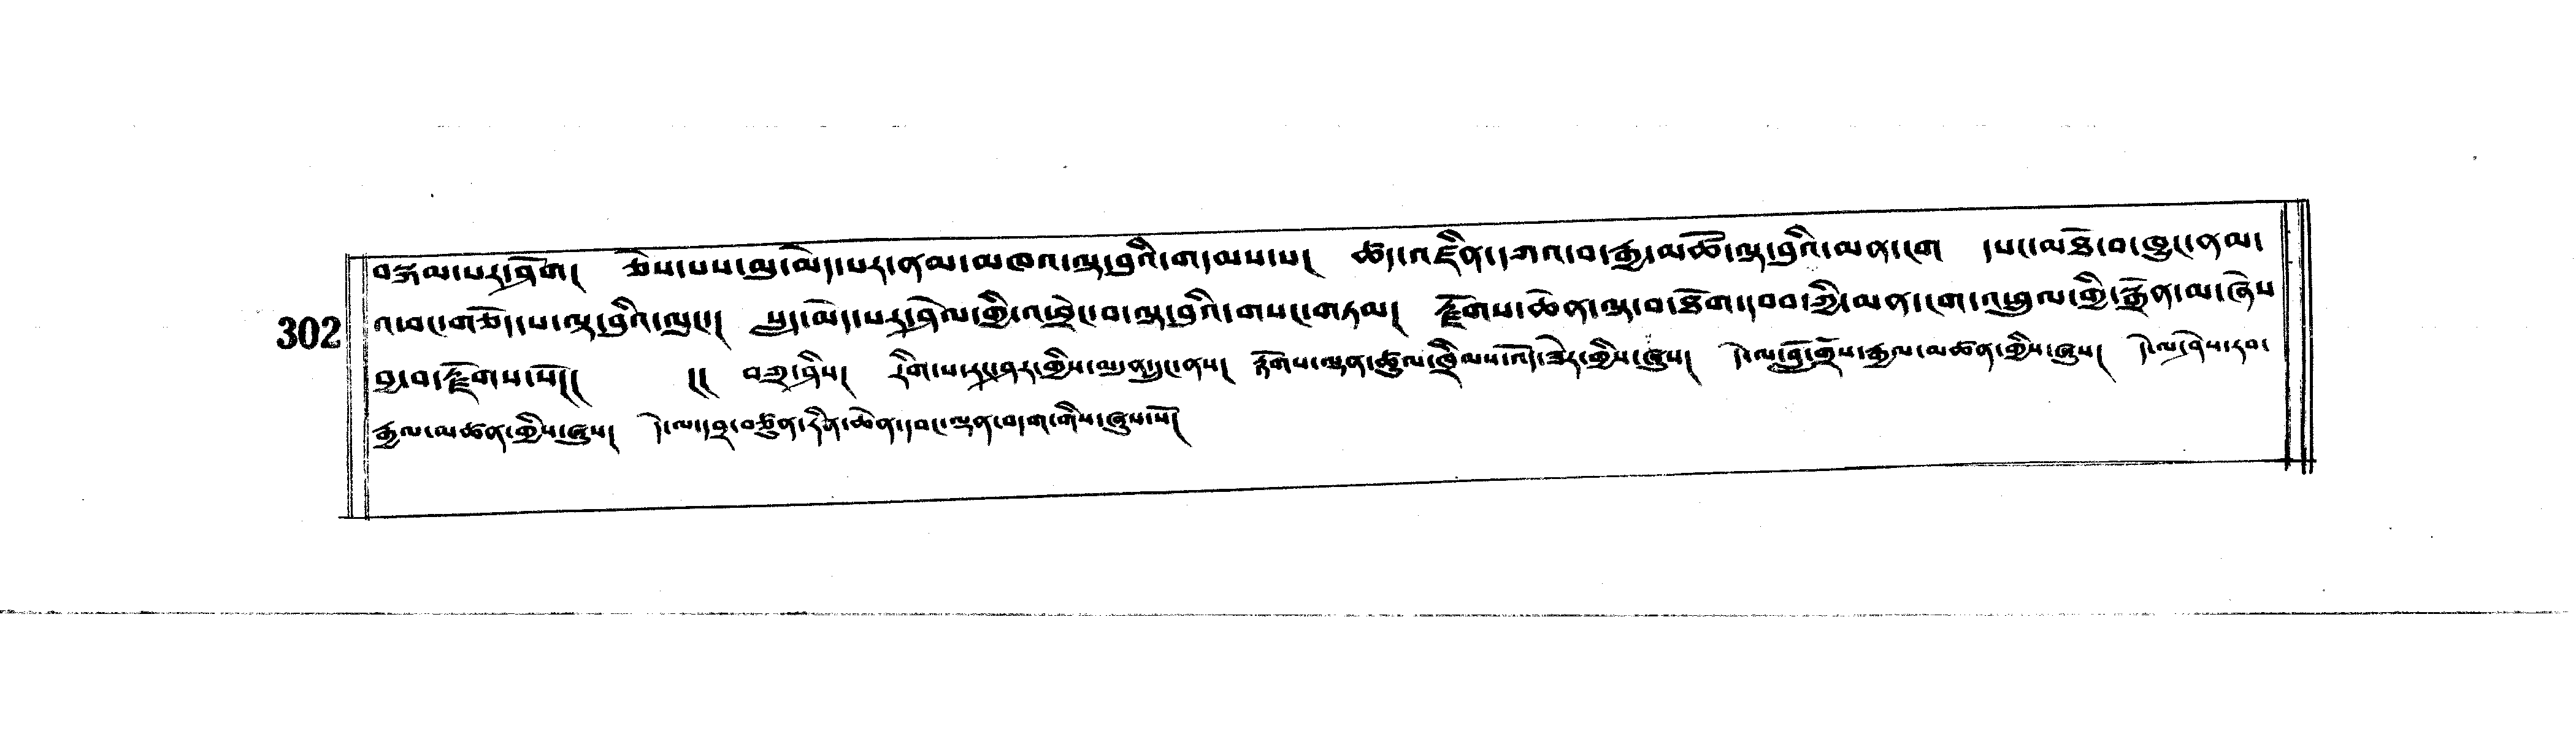བསྐམ་པར་ཤོག། ཅེས་པས་མུ་མེད་པར་ནམ་མཁའ་ལྟ་བུའི་གདམས་པ། ཚད་འཛིན་དཀའ་བ་རྒྱ་མཚོ་ལྟ་བུའི་མན་ངག དཔང་མཐོ་བ་ཁྱུང་ནམ་
འཕང་གཅོད་པ་ལྟ་བུའི་ལུང་། སླད་མེད་པར་ཤེལ་གྱི་ཕྲེང་བ་ལྟ་བུའི་གསང་གཏམ། རྫོགས་ཆེན་ལྟ་བ་ཐོག་དབབ་ཀྱི་མན་ངག་འཕྲུལ་གྱི་སྒྲོན་མ་ཞེས་
བྱ་བ་རྫོགས་སོ།། །།བཀྲ་ཤིས། རིག་པ་རང་ཤར་གྱི་མདུན་དྲུང་ནས། རྟོགས་ལྡན་ཚུལ་ཁྲིམས་འོད་ཟེར་གྱིས་ཞུས། དེ་ལ་བློ་གྲོས་རྒྱལ་མཚན་གྱིས་ཞུས། དེ་ལ་ཤེས་རབ་
རྒྱལ་མཚན་གྱིས་ཞུས། དེ་ལ་དབྲ་བཙུན་རིན་ཆེན་དབང་ལྡན་བདག་གིས་ཞུས་སོ།